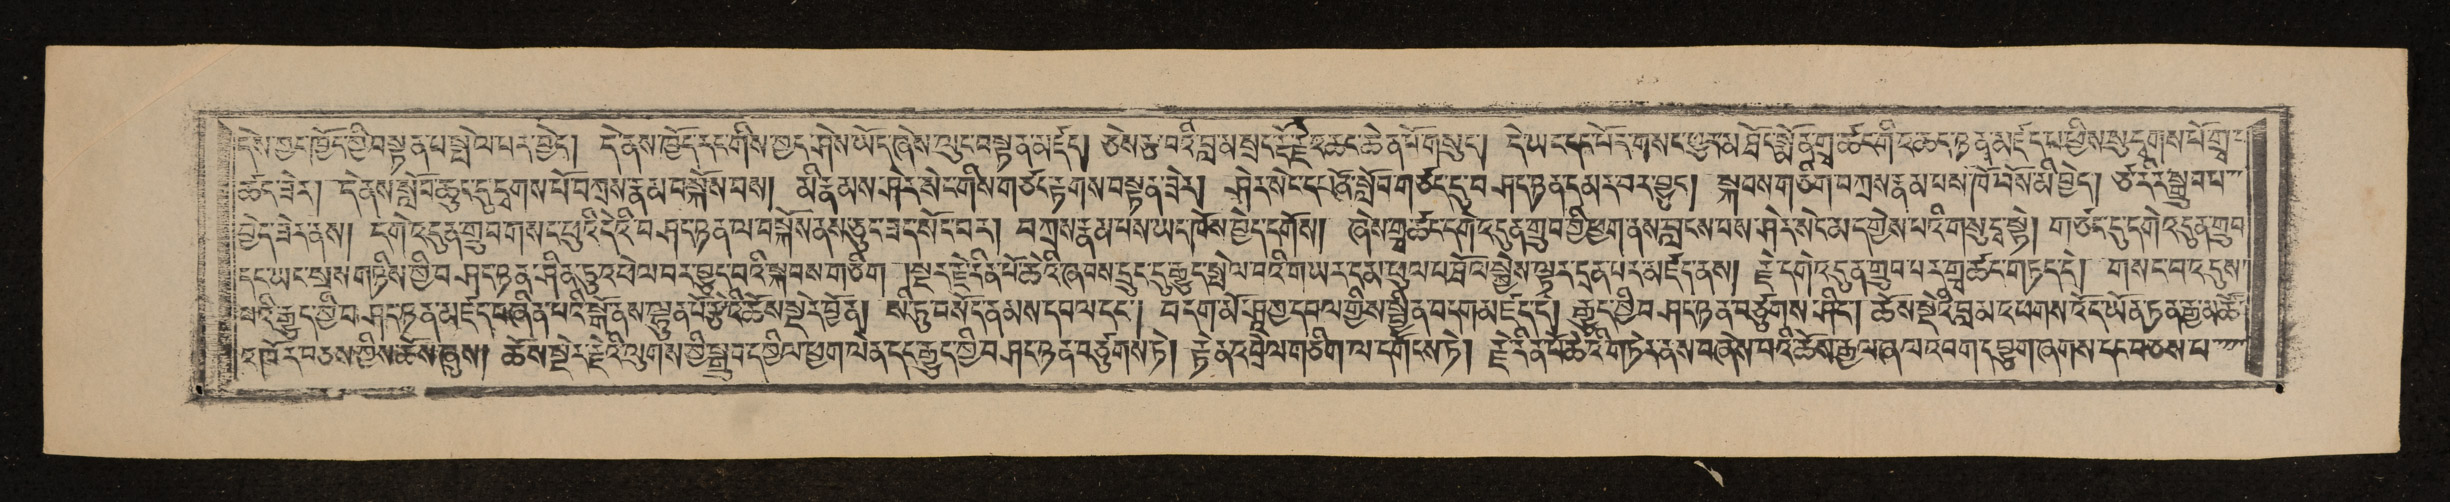ངེས་ཀྱང་ཁྱོད་ཀྱི་བསྟན་པ་སྤེལ་པར་བྱེད། དེ་ནས་ཁྱོད་རང་གིས་ཀྱང་ཤེས་ཡོང་ཞེས་ལུང་བསྟན་མཛད། ཅེས་རྩ་བའི་བླ་མ་སྲད་རྡོ་རྗེ་འཆང་ཆེན་པོ་གསུང་། དེ་ཡང་དང་པོར་གསང་ཕུར་མཐོང་སྨོན་གྲྭ་ཚང་གི་འཆད་ཉན་མཛད་པ་ཕྱིས་སུ་དྭགས་པོ་གྲྭ་
ཚང་ཟེར། དེ་ནས་སློབ་ཆུང་དུ་དྭགས་པོ་བཀྲས་རྣམ་བསྐོས་པས། མི་རྣམས་ཤེར་སེང་གིས་གཙང་རྟགས་བསྟན་ཟེར། ཤེར་སེང་དབོན་སློབ་གཙང་དུ་བཤད་ཉན་དམར་པར་བྱུང་། སྐབས་གཅིག་བཀྲས་རྣམ་པས་ཁོ་བོས་མི་བྱེད། ཙ་རིར་སྒྲུབ་པ་
བྱེད་ཟེར་ནས། དགེ་འདུན་གྲུབ་གསང་ཕུའི་དེའི་བཤད་ཉན་ལ་བསྐོས་ནས་ཅུང་ཟད་སོང་བར། བཀྲས་རྣམ་པས་ཡང་ཁོས་བྱེད་དགོས། ཞེས་གྲྭ་ཚང་དགེ་འདུན་གྲུབ་ཀྱི་ཕྱག་ནས་བླངས་པས་ཤེར་སེང་མ་དགྱེས་པའི་གསུང་སྟེ། གཙང་དུ་དགེ་འདུན་གྲུབ་
དང་ཡབ་སྲས་གཉིས་ཀྱི་བཤད་ཉན་ཤིན་ཏུ་འཕེལ་བར་བྱུང་བའི་སྐབས་གཅིག །སྔར་རྗེ་རིན་པོ་ཆེའི་ཞབས་དྲུང་དུ་རྒྱུད་སྤེལ་བའི་གཡར་དམ་ཕུལ་བ་ཐོལ་སྐྱེས་ལྟར་དྲན་པར་མཛད་ནས། རྗེ་དགེ་འདུན་གྲུབ་པར་གྲྭ་ཚང་གཏད་དེ། གསང་བ་འདུས་
པའི་རྒྱུད་ཀྱི་བཤད་ཉན་མཛད་བཞིན་པའི་སྒོ་ནས་ལྷུན་པོ་རྩེའི་ཆོས་སྡེར་བྱོན། སི་ཏུ་བསོད་ནམས་དཔལ་དང་། བདག་མོ་ཤཱཀྱ་དཔལ་གྱིས་སྦྱིན་བདག་མཛད་དེ། རྒྱུད་ཀྱི་བཤད་ཉན་བཙུགས་ཤིང་། ཆོས་སྡེའི་བླ་མ་འཕགས་འོང་ཡོན་ཏན་རྒྱ་མཚོ་
འཁོར་བཅས་ཀྱིས་ཆོས་ཞུས། ཆོས་སྡེར་རྗེའི་ལུགས་ཀྱི་སྒྲུབ་དཀྱིལ་ཕྱག་ལེན་དང་རྒྱུད་ཀྱི་བཤད་ཉན་བཙུགས་ཏེ། རྟེན་འབྲེལ་གཅིག་ལ་དགོངས་ཏེ། རྗེ་རིན་པོ་ཆེའི་གཏེར་ནས་བཞེས་པའི་ཆོས་རྒྱལ་ཞལ་འབག་དབྱུག་ཞགས་དང་བཅས་པ་